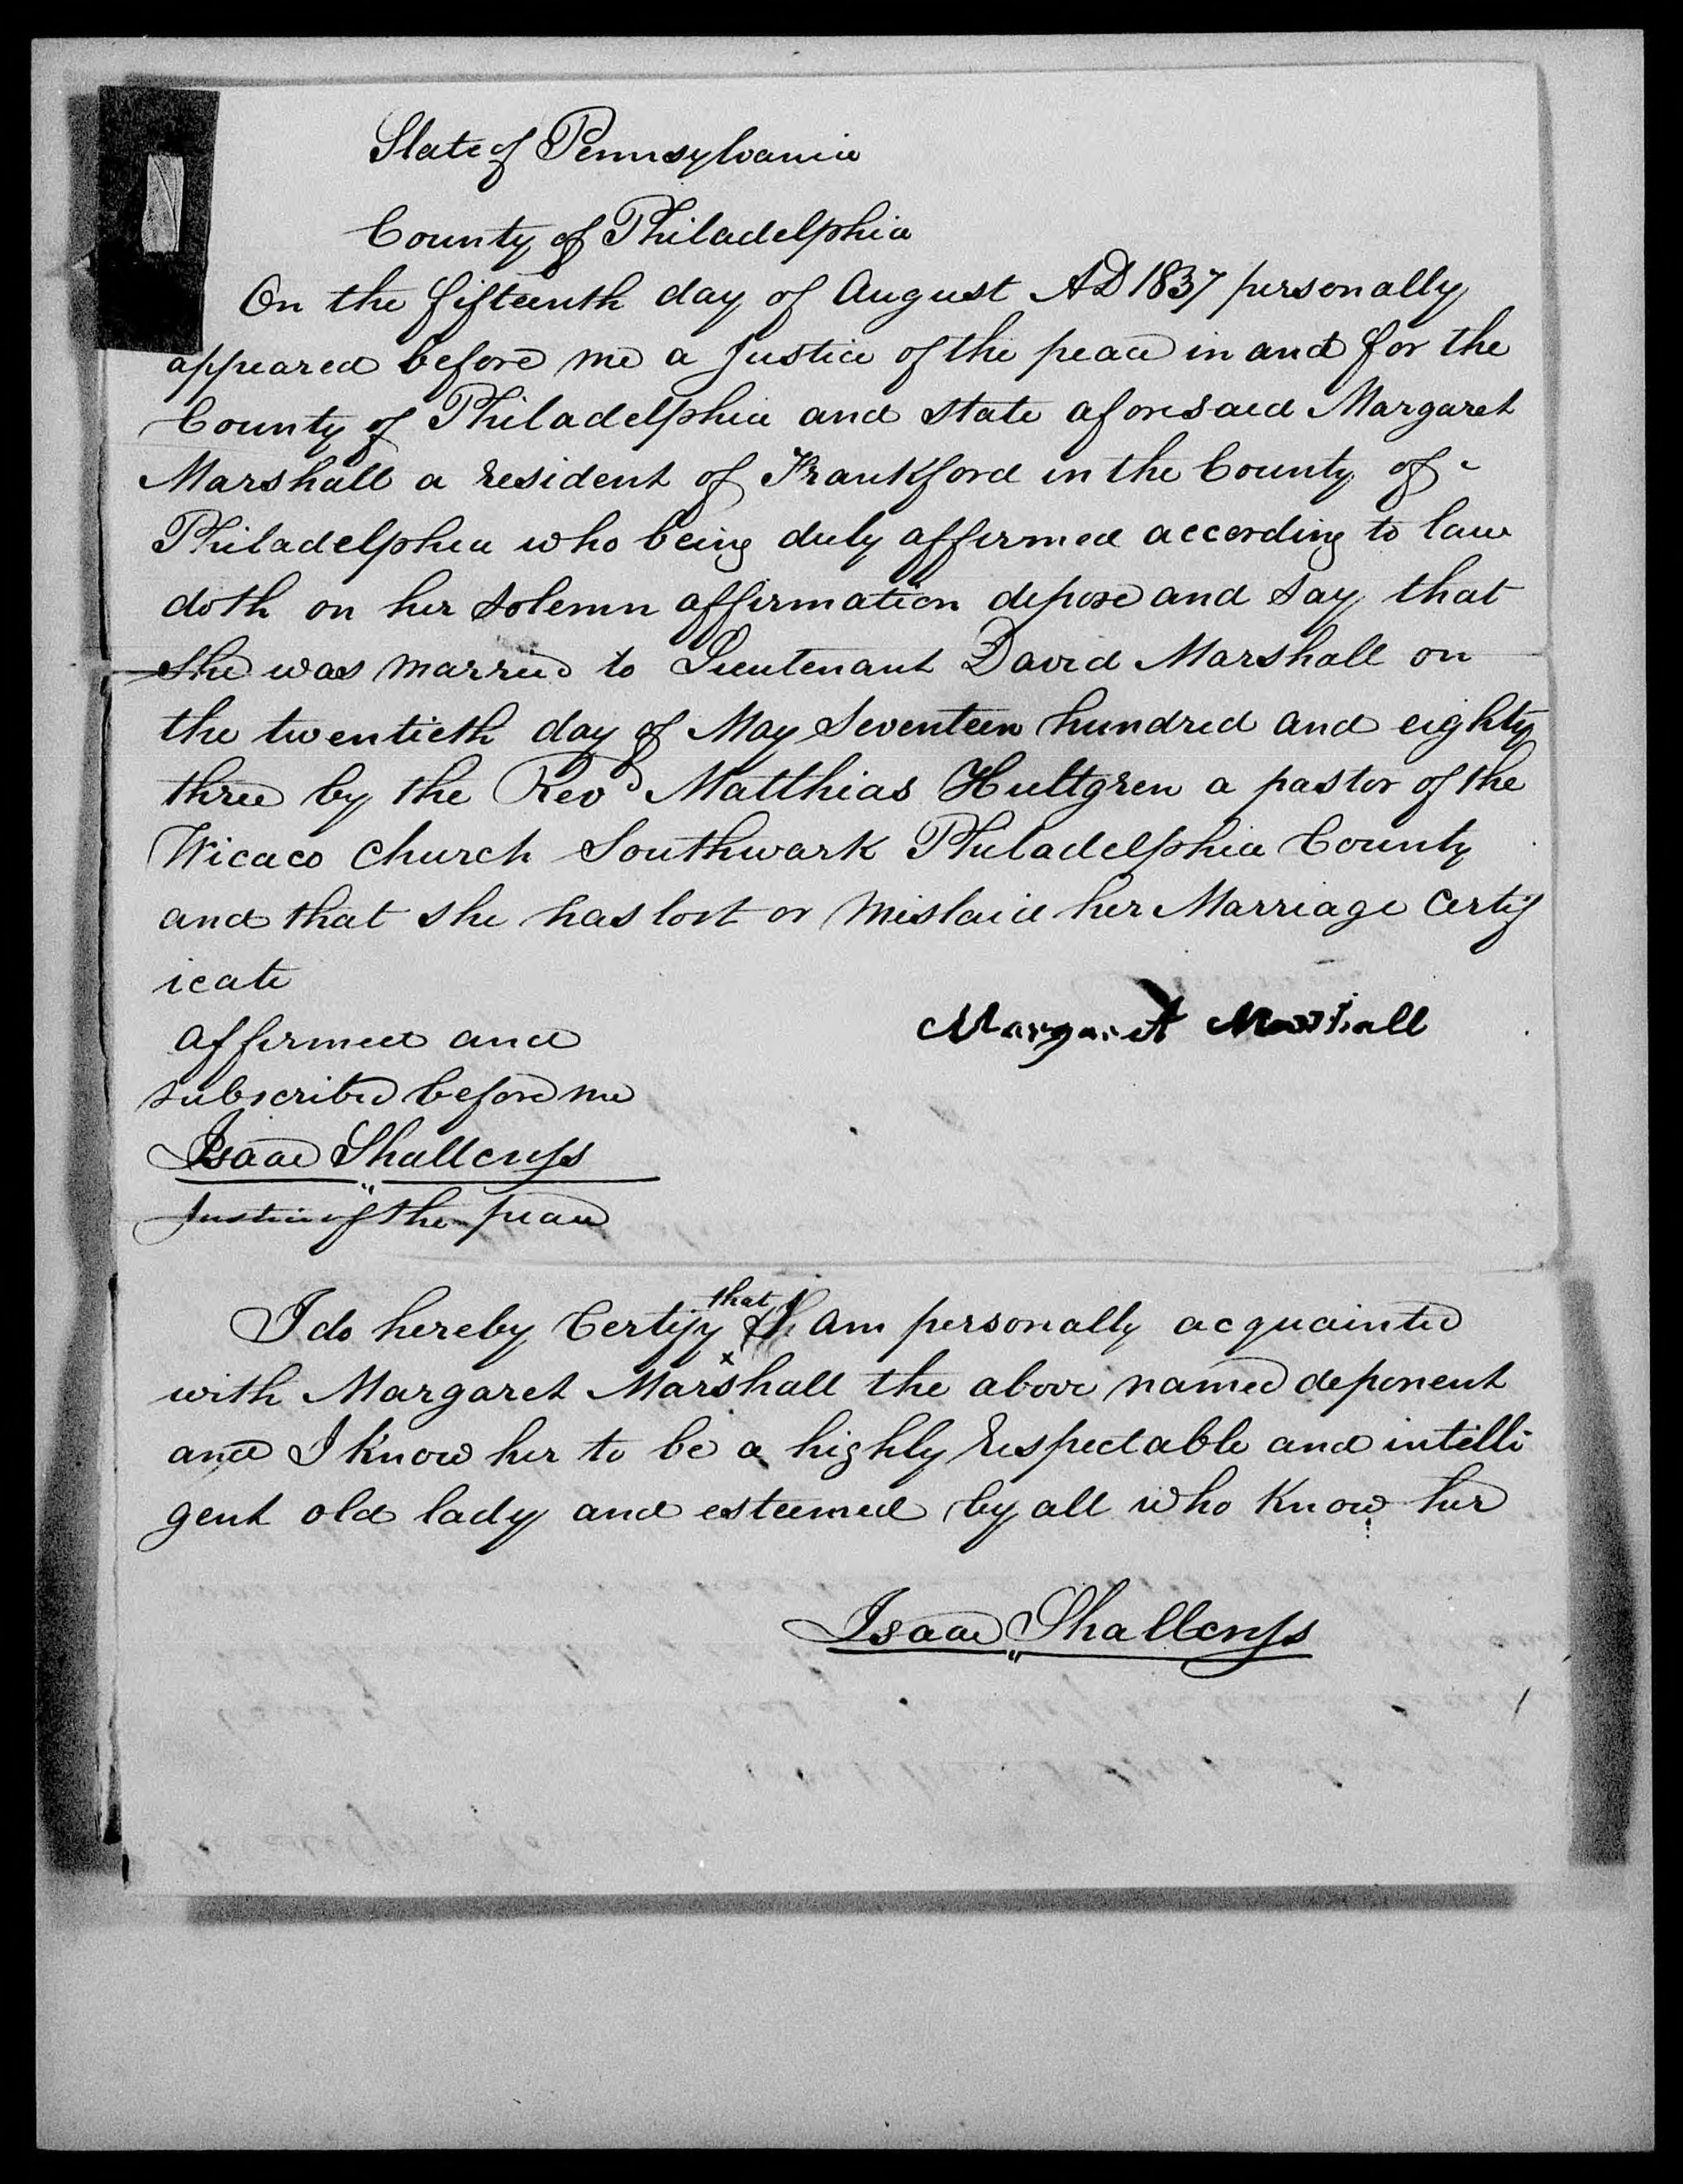State of Pennsylvania
County of Philadelphia

On the fifteenth day of August AD 1837 personally appeared before me a Justice of the peace inn and for the County of Philadelphia and state aforesaid Margaret Marshall a resident of Frankford in the County of Philadelphia who being duly affirmed according to law doth on her solemn affirmation depose and say that she was married to Lieutenant David Marshall on the twentieth day of May Seventeen hundred and eighty three by the Rev Matthias Hultgren a pastor of the Wicaco Church Southwark Philadelphia County and that she had lost or mislaid her Marriage Certificate 
Margaret Marshall
affirmed and subscribed before me
Isaac Shallcross
Justice of the peace

I hereby certify that I am personally acquainted with Margaret Marshall the above named deponent and I now her to be to be a highly respectable and intelligent old lady and esteemed by all who know her.
Isaac Shallcross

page: 69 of 86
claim: widow's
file: W. 3571, for David Marshall, Pennsylvania